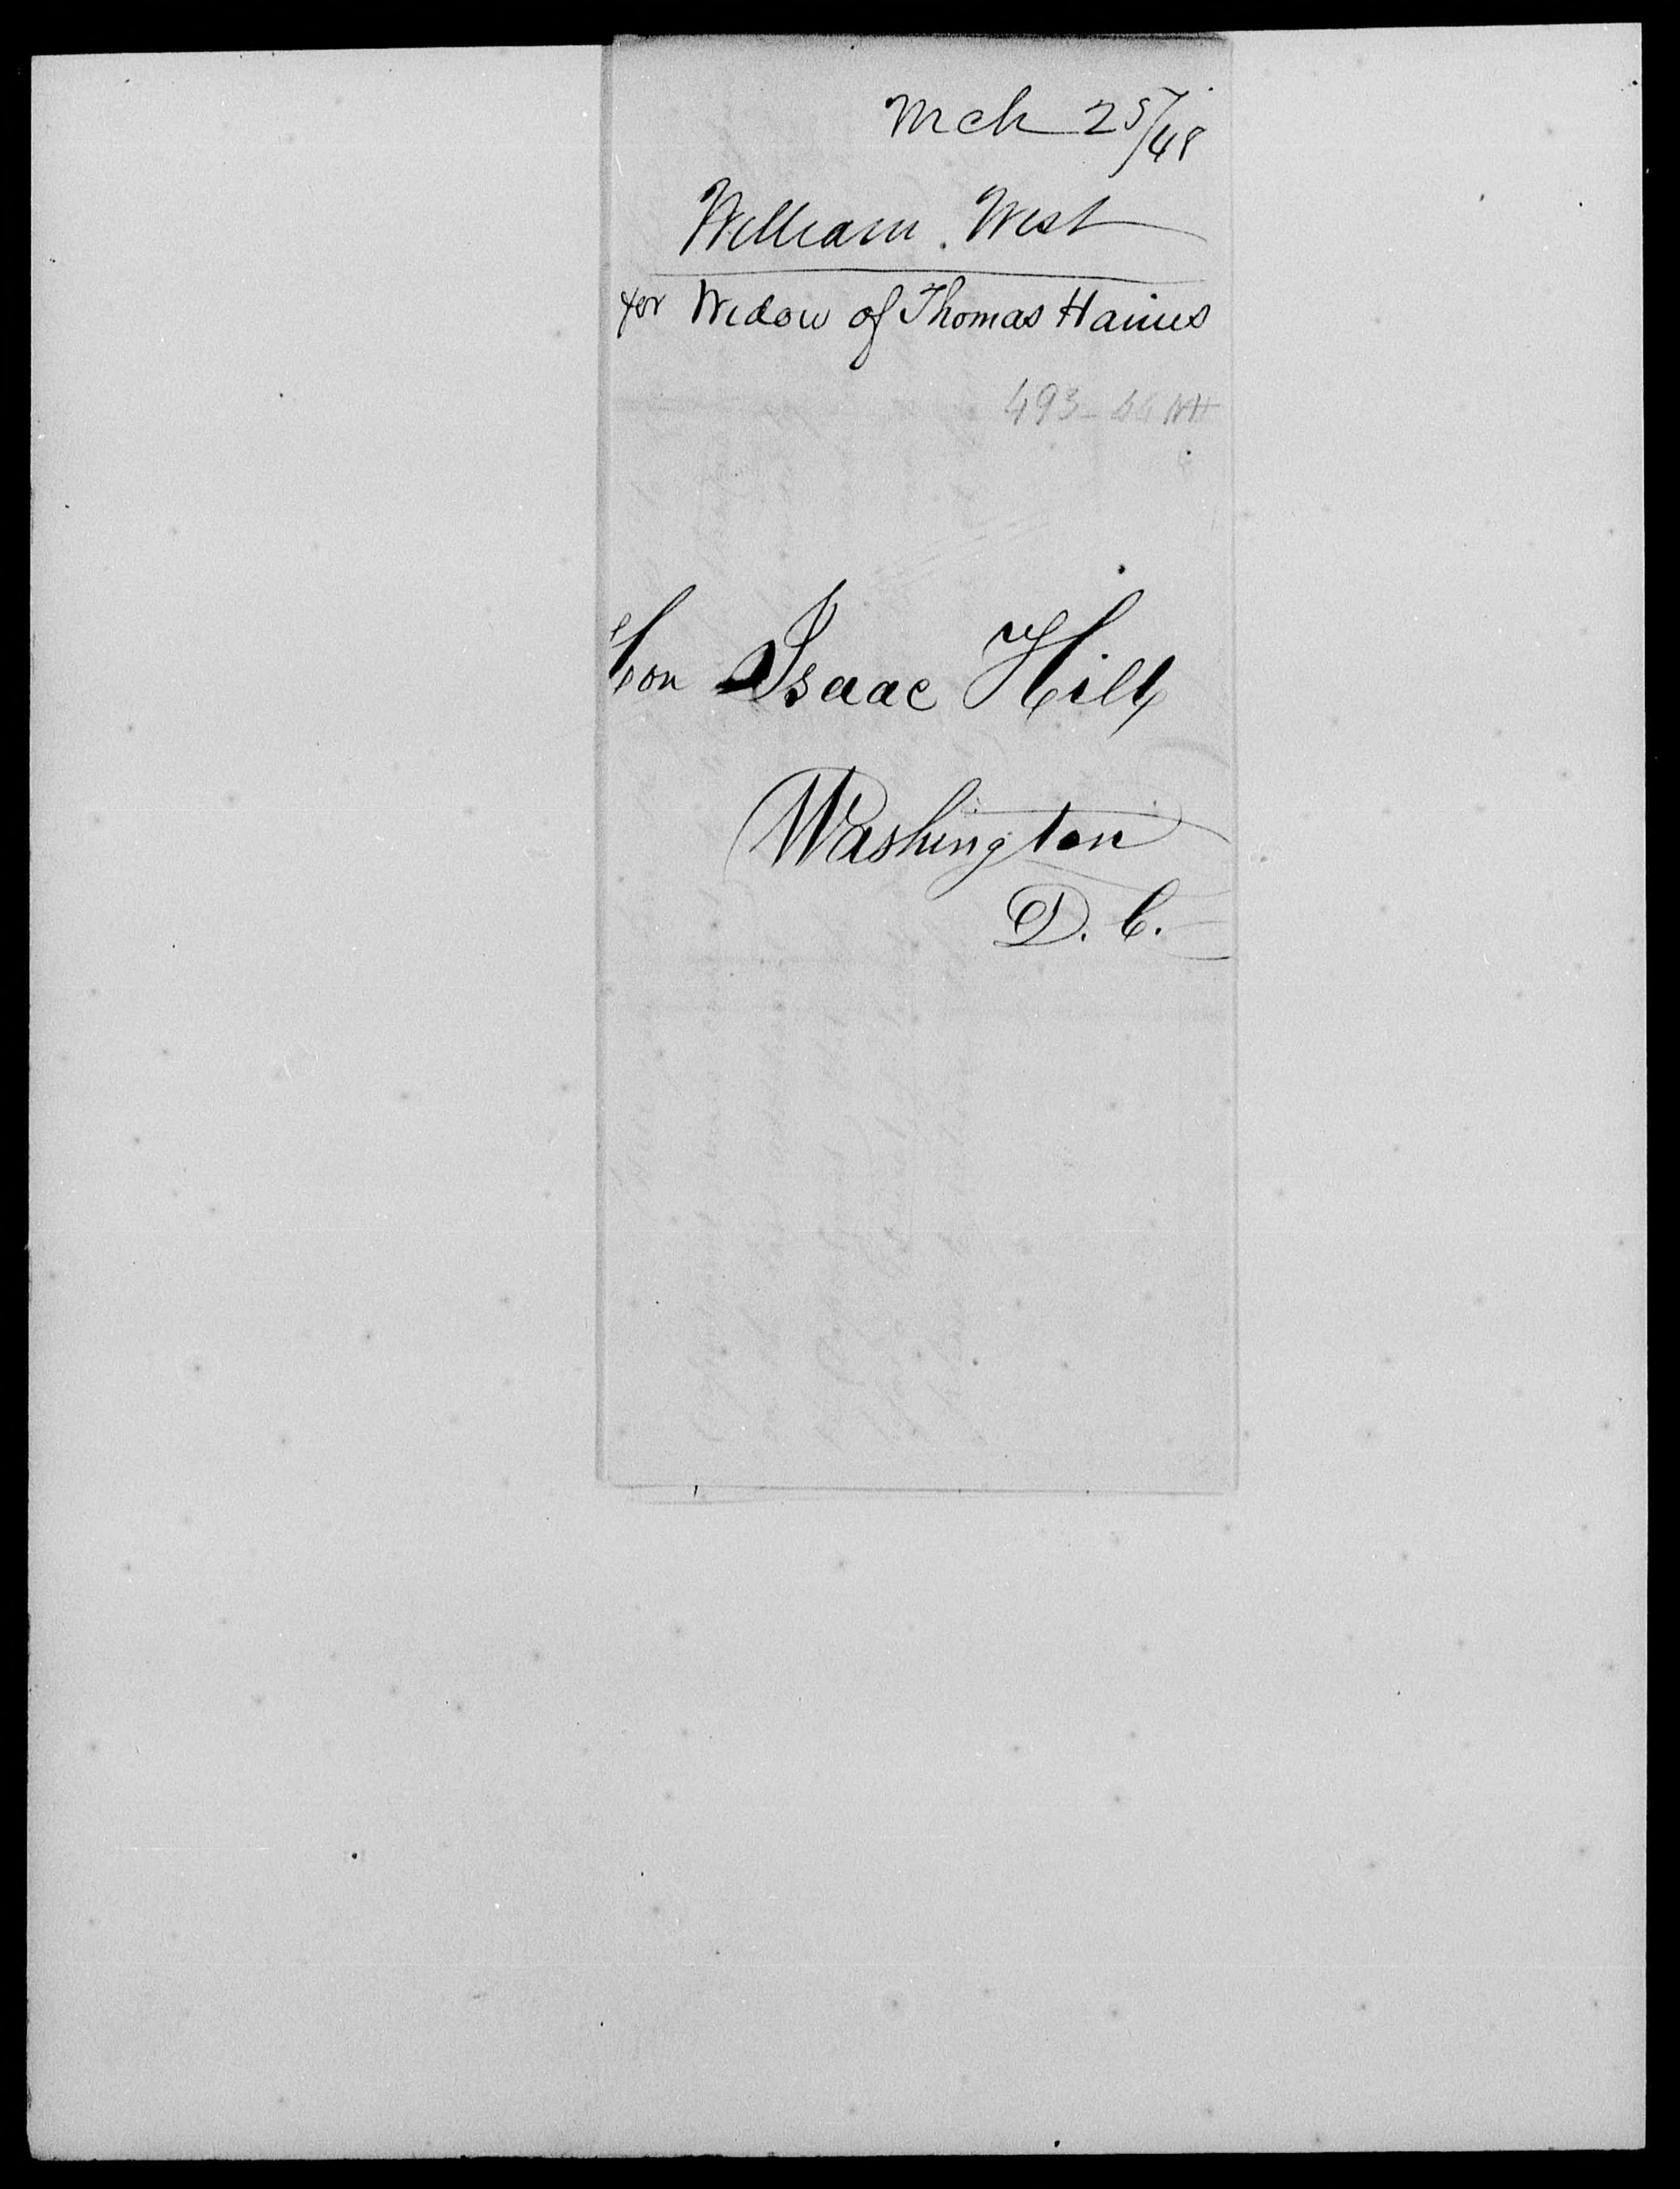Mch 2d/48

William West
For Widow of Thomas Haines

Hon Isaac Hill
Washington
D.C.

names: Thomas Haines, William West, Isaac Hill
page: 33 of 57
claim: widow's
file: W. 23217, Thomas Haines, N H